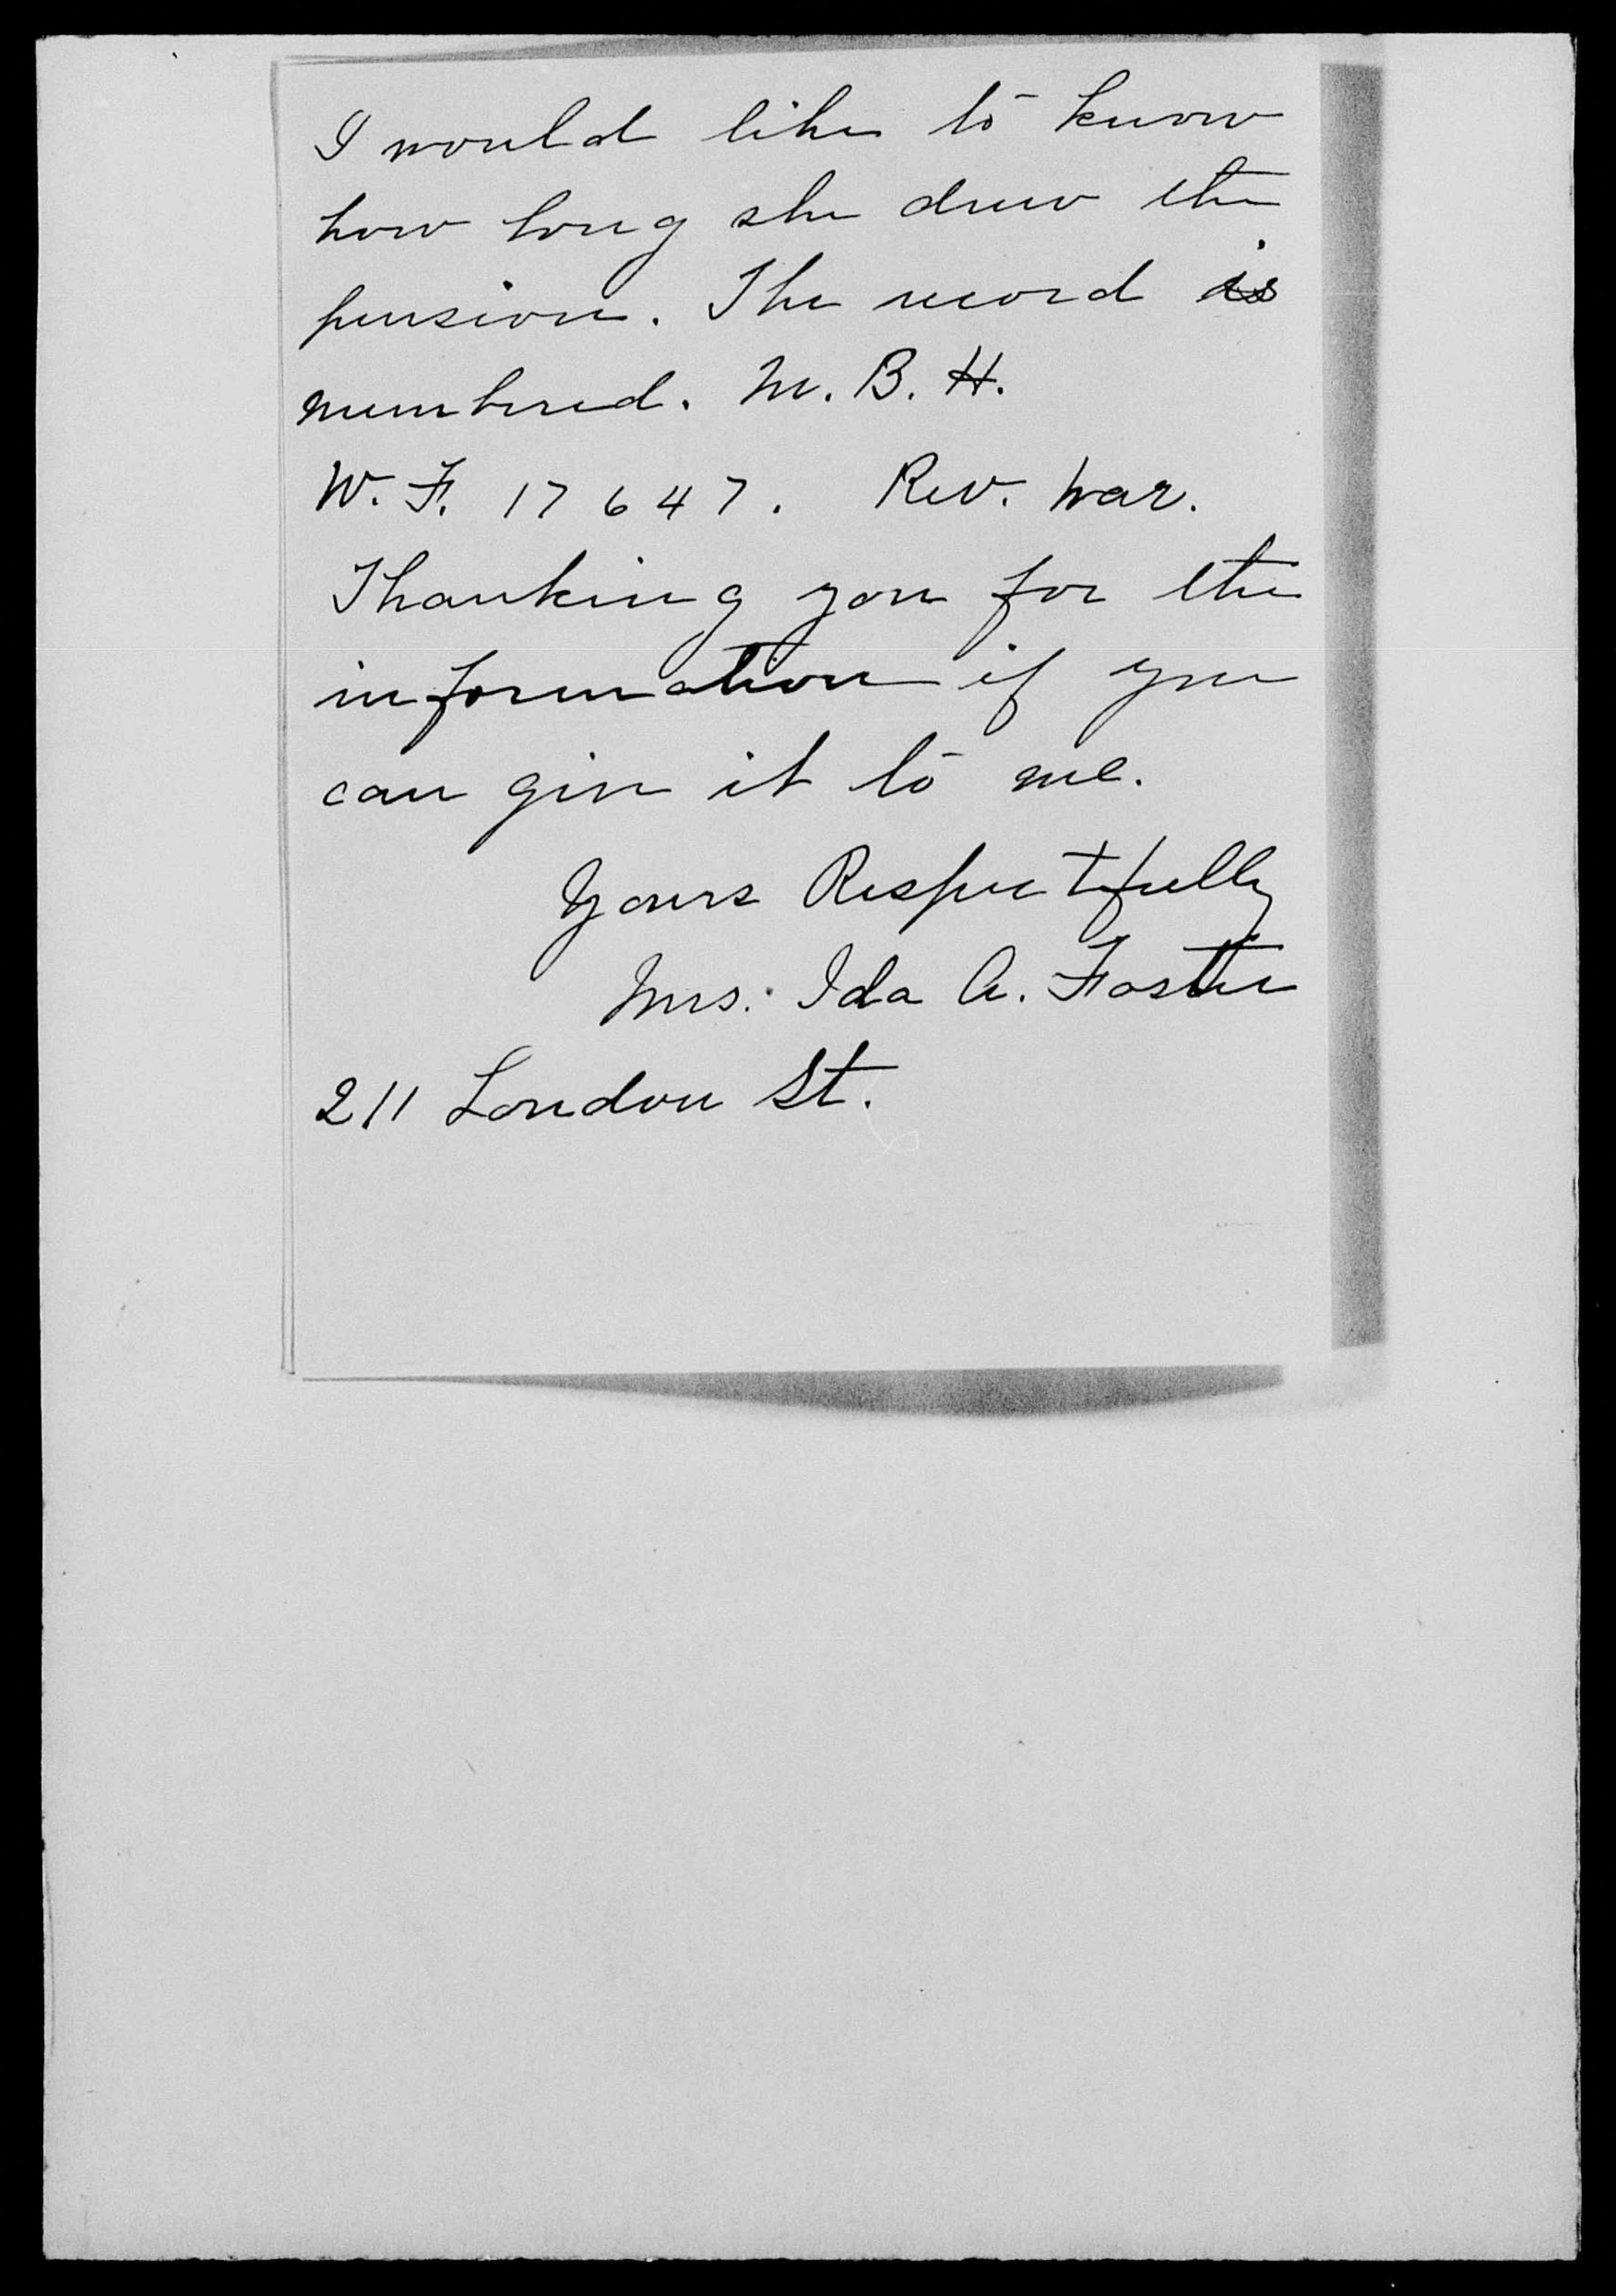I would like to know how long she drew the pension. The record is numbered. M. B. H.
W. F. 17 647. Rev. War.

Thanking you for the information if you can give it to me.

Yours Respectfully
Mrs. Ida A. Foster
211 London St.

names: Ida A Foster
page: 18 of 43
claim: widow's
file: W. 17,647, Aaron Comstock, Conn.